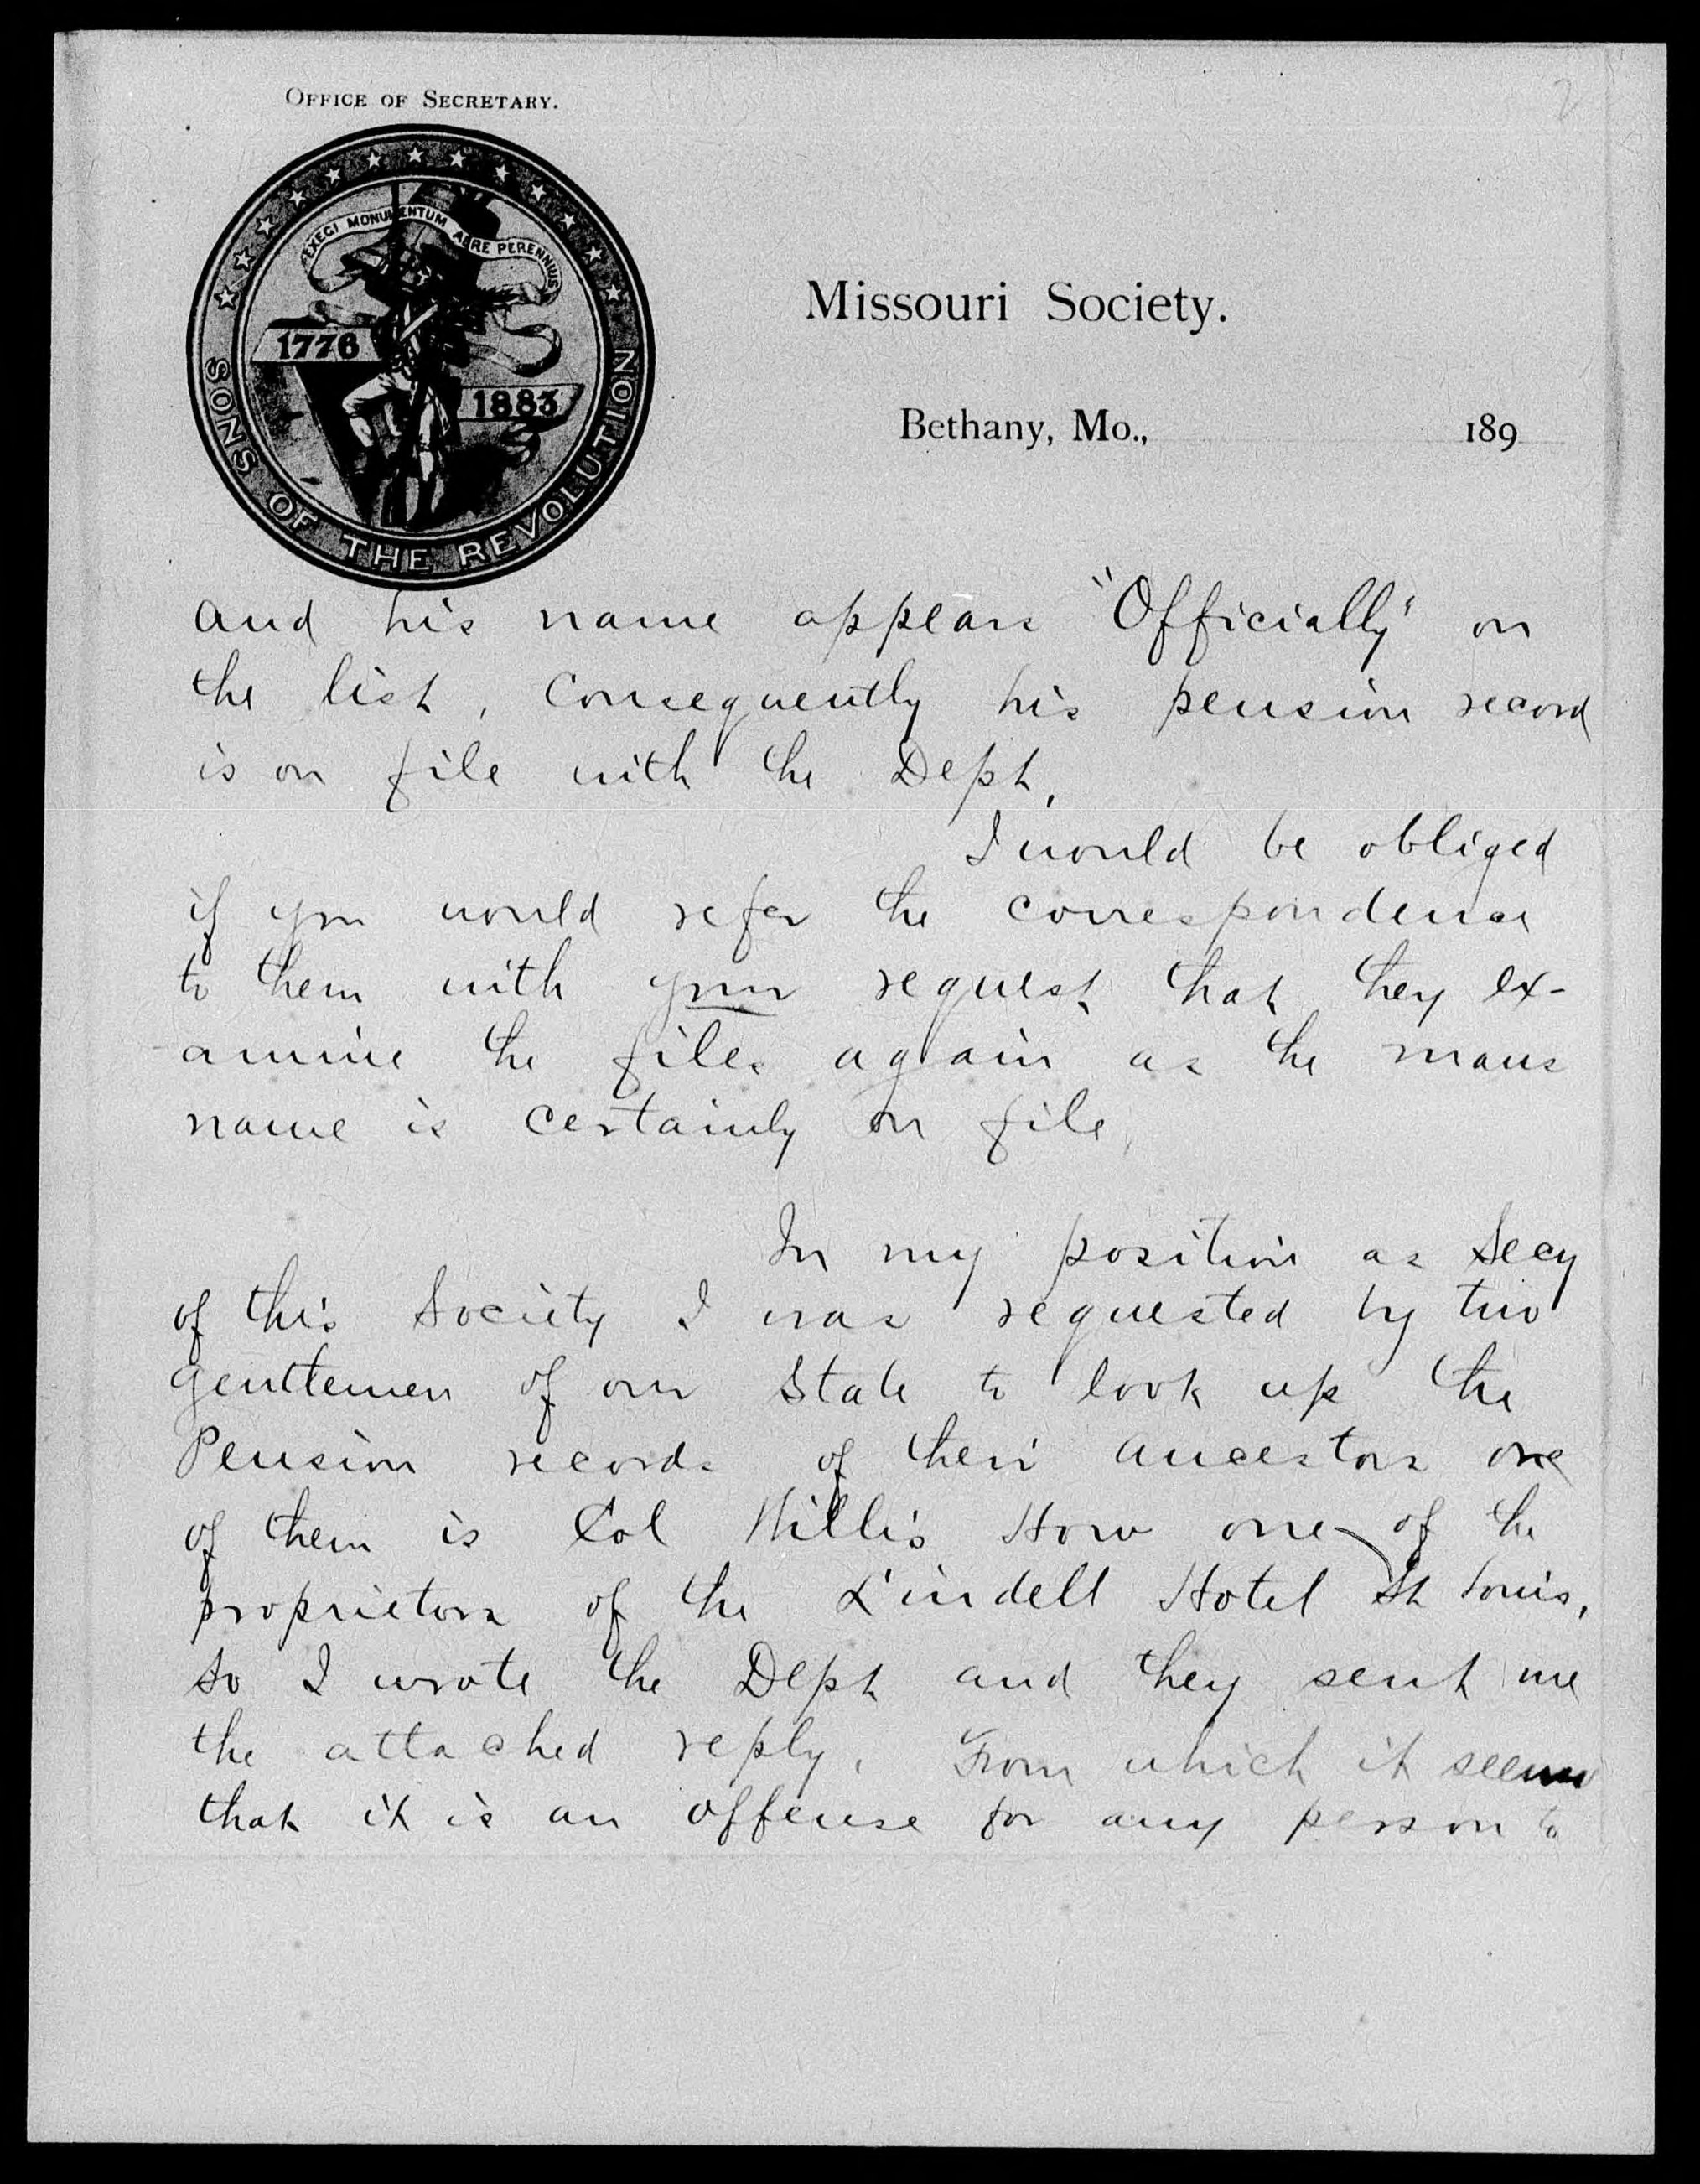Office of Secretary
[seal] SONS OF THE REVOLUTION 1776 1883
Missouri Society. Bethany, Mo., ---  189

and his name appears "Officially" on the list, consequently his pension record is on file with the Dept.
I would be obliged if you would refer the correspondence to them with your request that they examine the file again as the mans  [sic] name is certainly on file.
In my position as Secy [SECRETARY] of this Society I was requested by two Gentlemen of our State to look up the Pension records of their ancestors one of them is Col [COLONEL] Willis How one of the proprietors of the Lindell Hotel St Louis, So I wrote the Dept and they sent me the attached reply, from which it seems that it is an offense for any person to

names: Willis How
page: 31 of 53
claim: widow's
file: W. 492, for Daniel Lamprey, New Hampshire